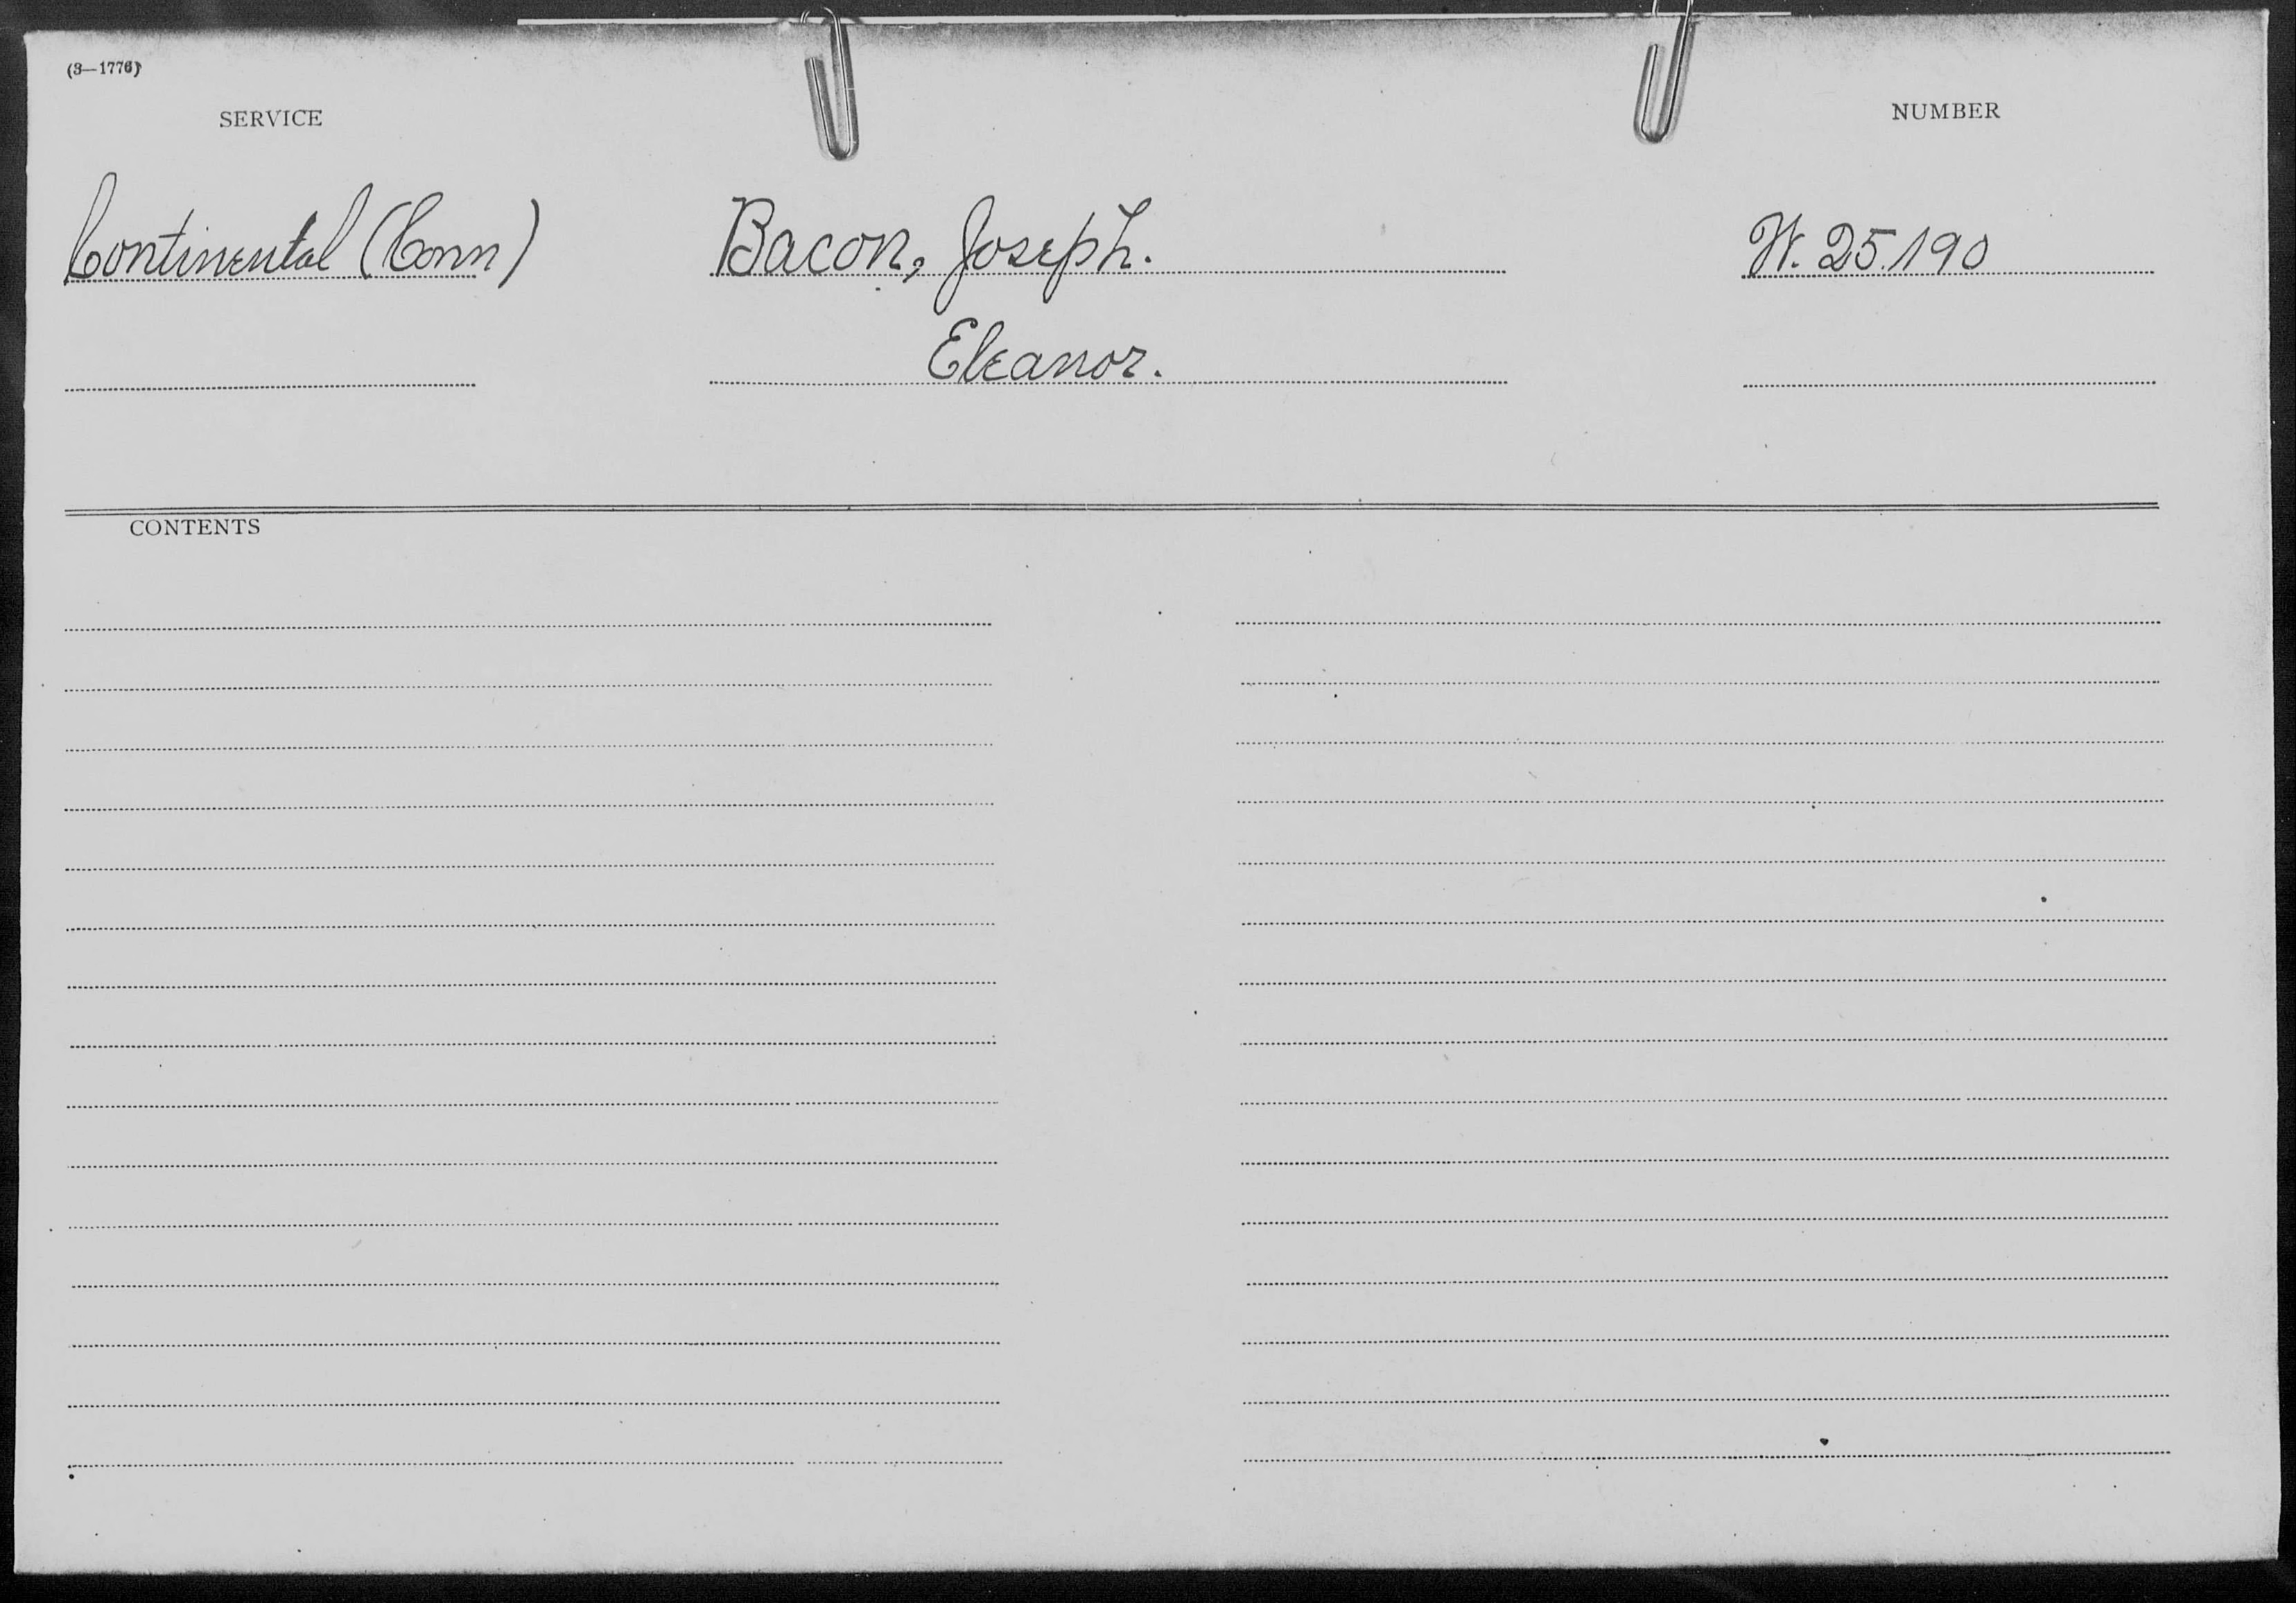Service
"Continental (Conn)"

"Bacon, Joseph
Eleanor"

Number
"W. 25.190"

Contents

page: 1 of 24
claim: widow's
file: W. 25190, Joseph Bacon, Continental (Conn)